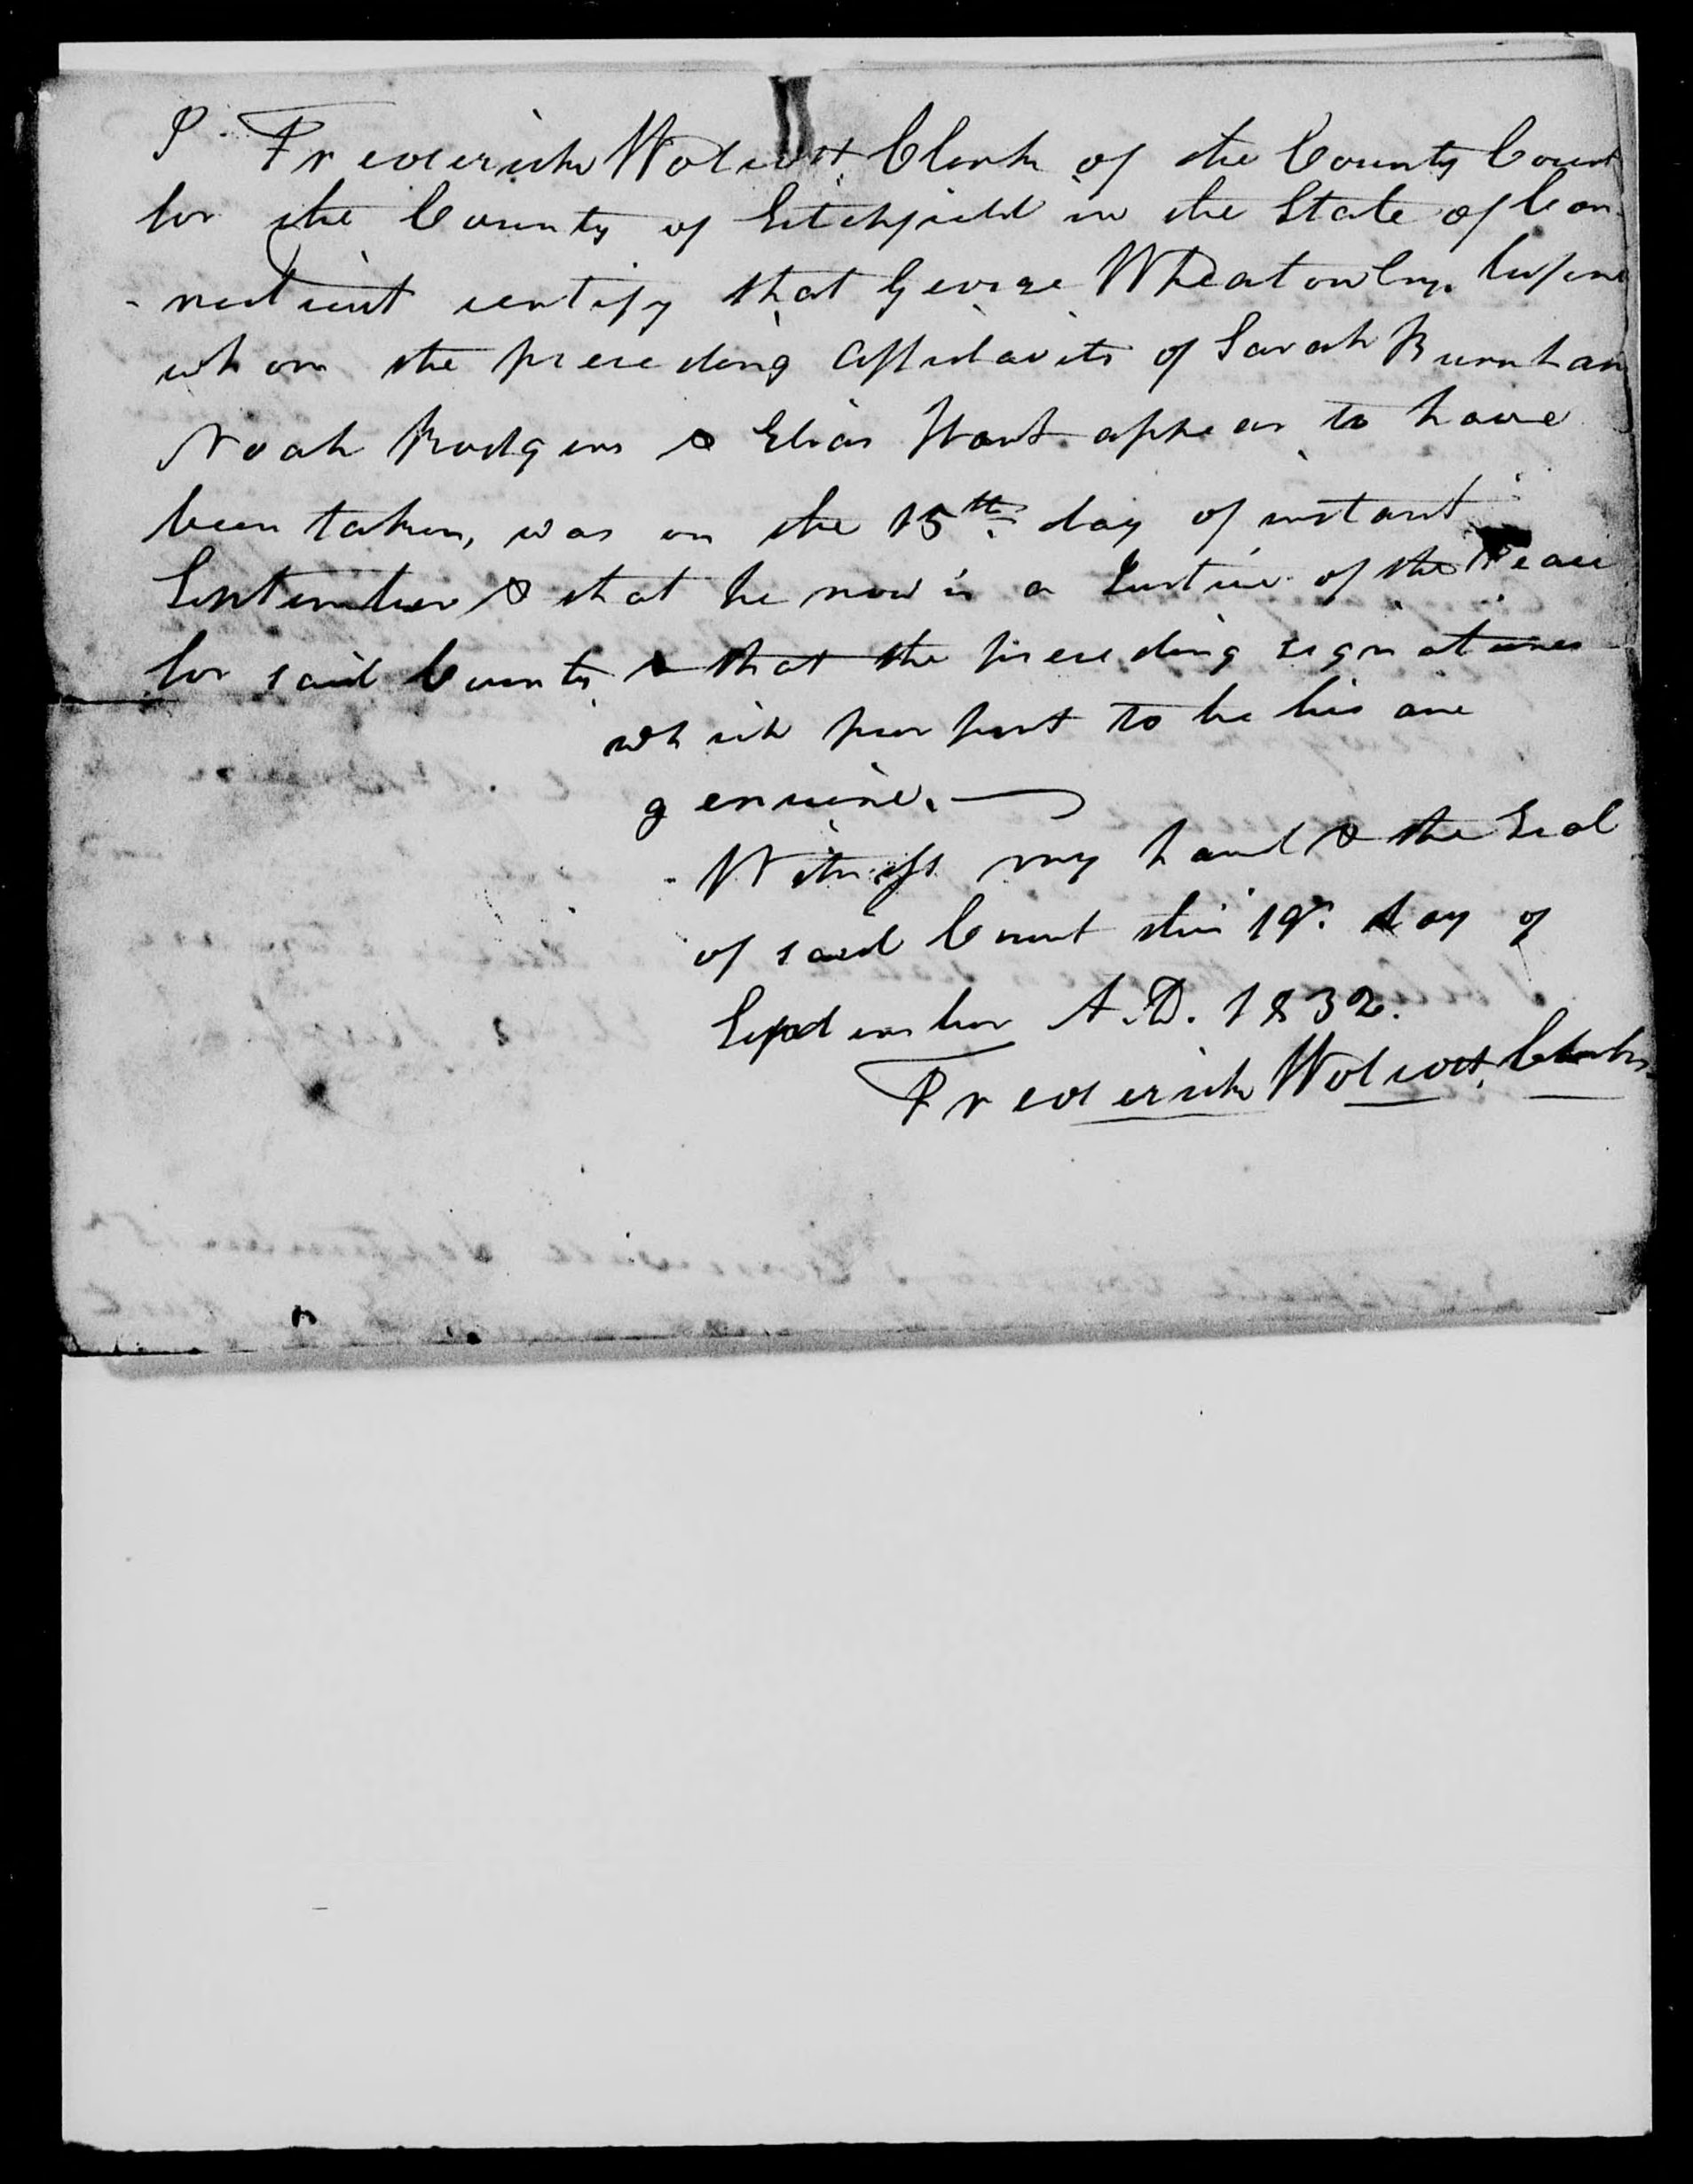I Frederick Wolcott Clerk of the County Court for the County of Litchfield in the State of Connecticut certify that George Wheaton Esq whom the preceding Affidavit of Sarah Burnham, Noah Rodgers & Elias Ward appear to have been taken, was on the 15th day of instant.  [illegible] sd that he now is a Justice of the Peace for said County & that the preceding signatures which purport to be his and are genuine.-
          Witness my hand & the Seal of said Court this 19th day of September A.D. 1833.
   Frederick Wolcott Clerk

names: Noah Rodgers, Elias Ward, Frederick Wolcott, Frederick Wolcott, George Wheaton, Sarah Burnham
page: 24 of 37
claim: widow's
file: W. 20,787, Daniel Brown, Conn. Navy.